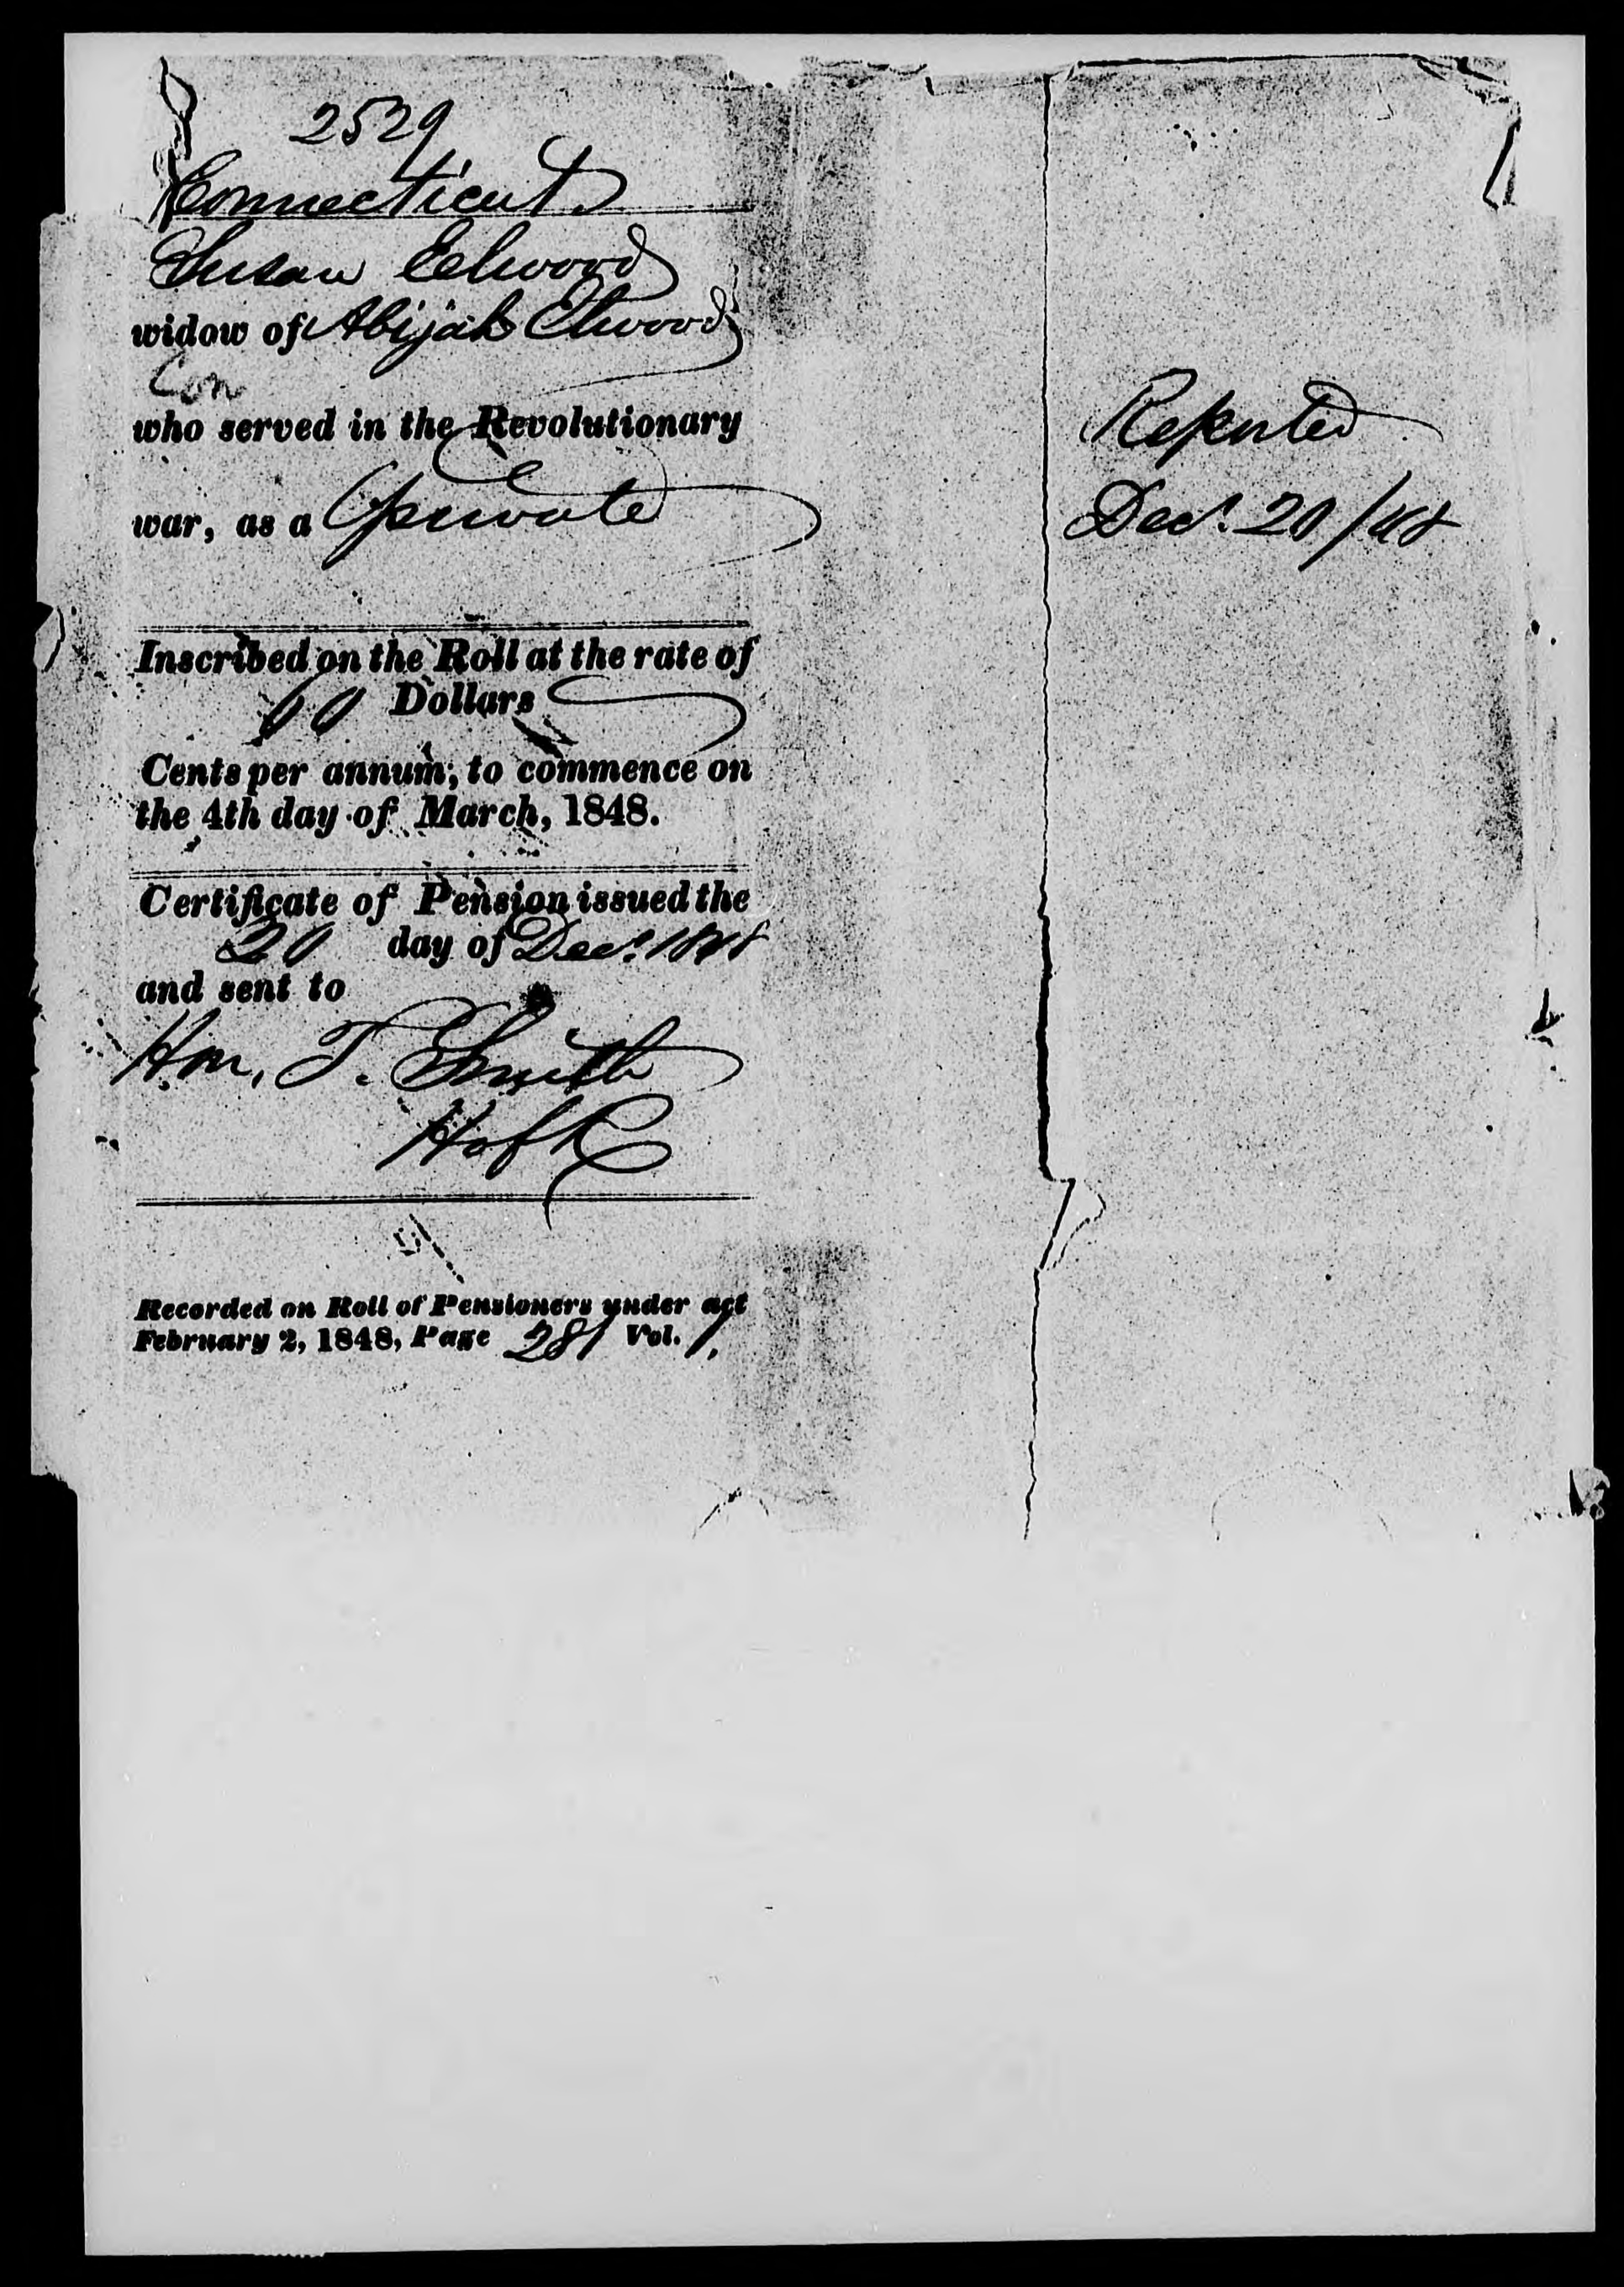2529
Connecticut
Susan Elwood
widow of Abijah Elwood
Con
who served in the Revolutionary war, as a private
Inscribed on the Roll at the rate of 60 Dollars -- Cents per annum, to commence on the 4th day of March, 1848.
Certificate of Pension issued the 30 day of Dec 1848 and sent to Hon. T. Smith
Recorded on Roll of Pensioners under act February 2, 1848, Page 281 Vol. 1

Reported
Dec 20/48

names: T Smith, Susan Elwood, Abijah Elwood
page: 2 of 69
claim: widow's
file: W. 25562, Abijah Elwood, Conn.